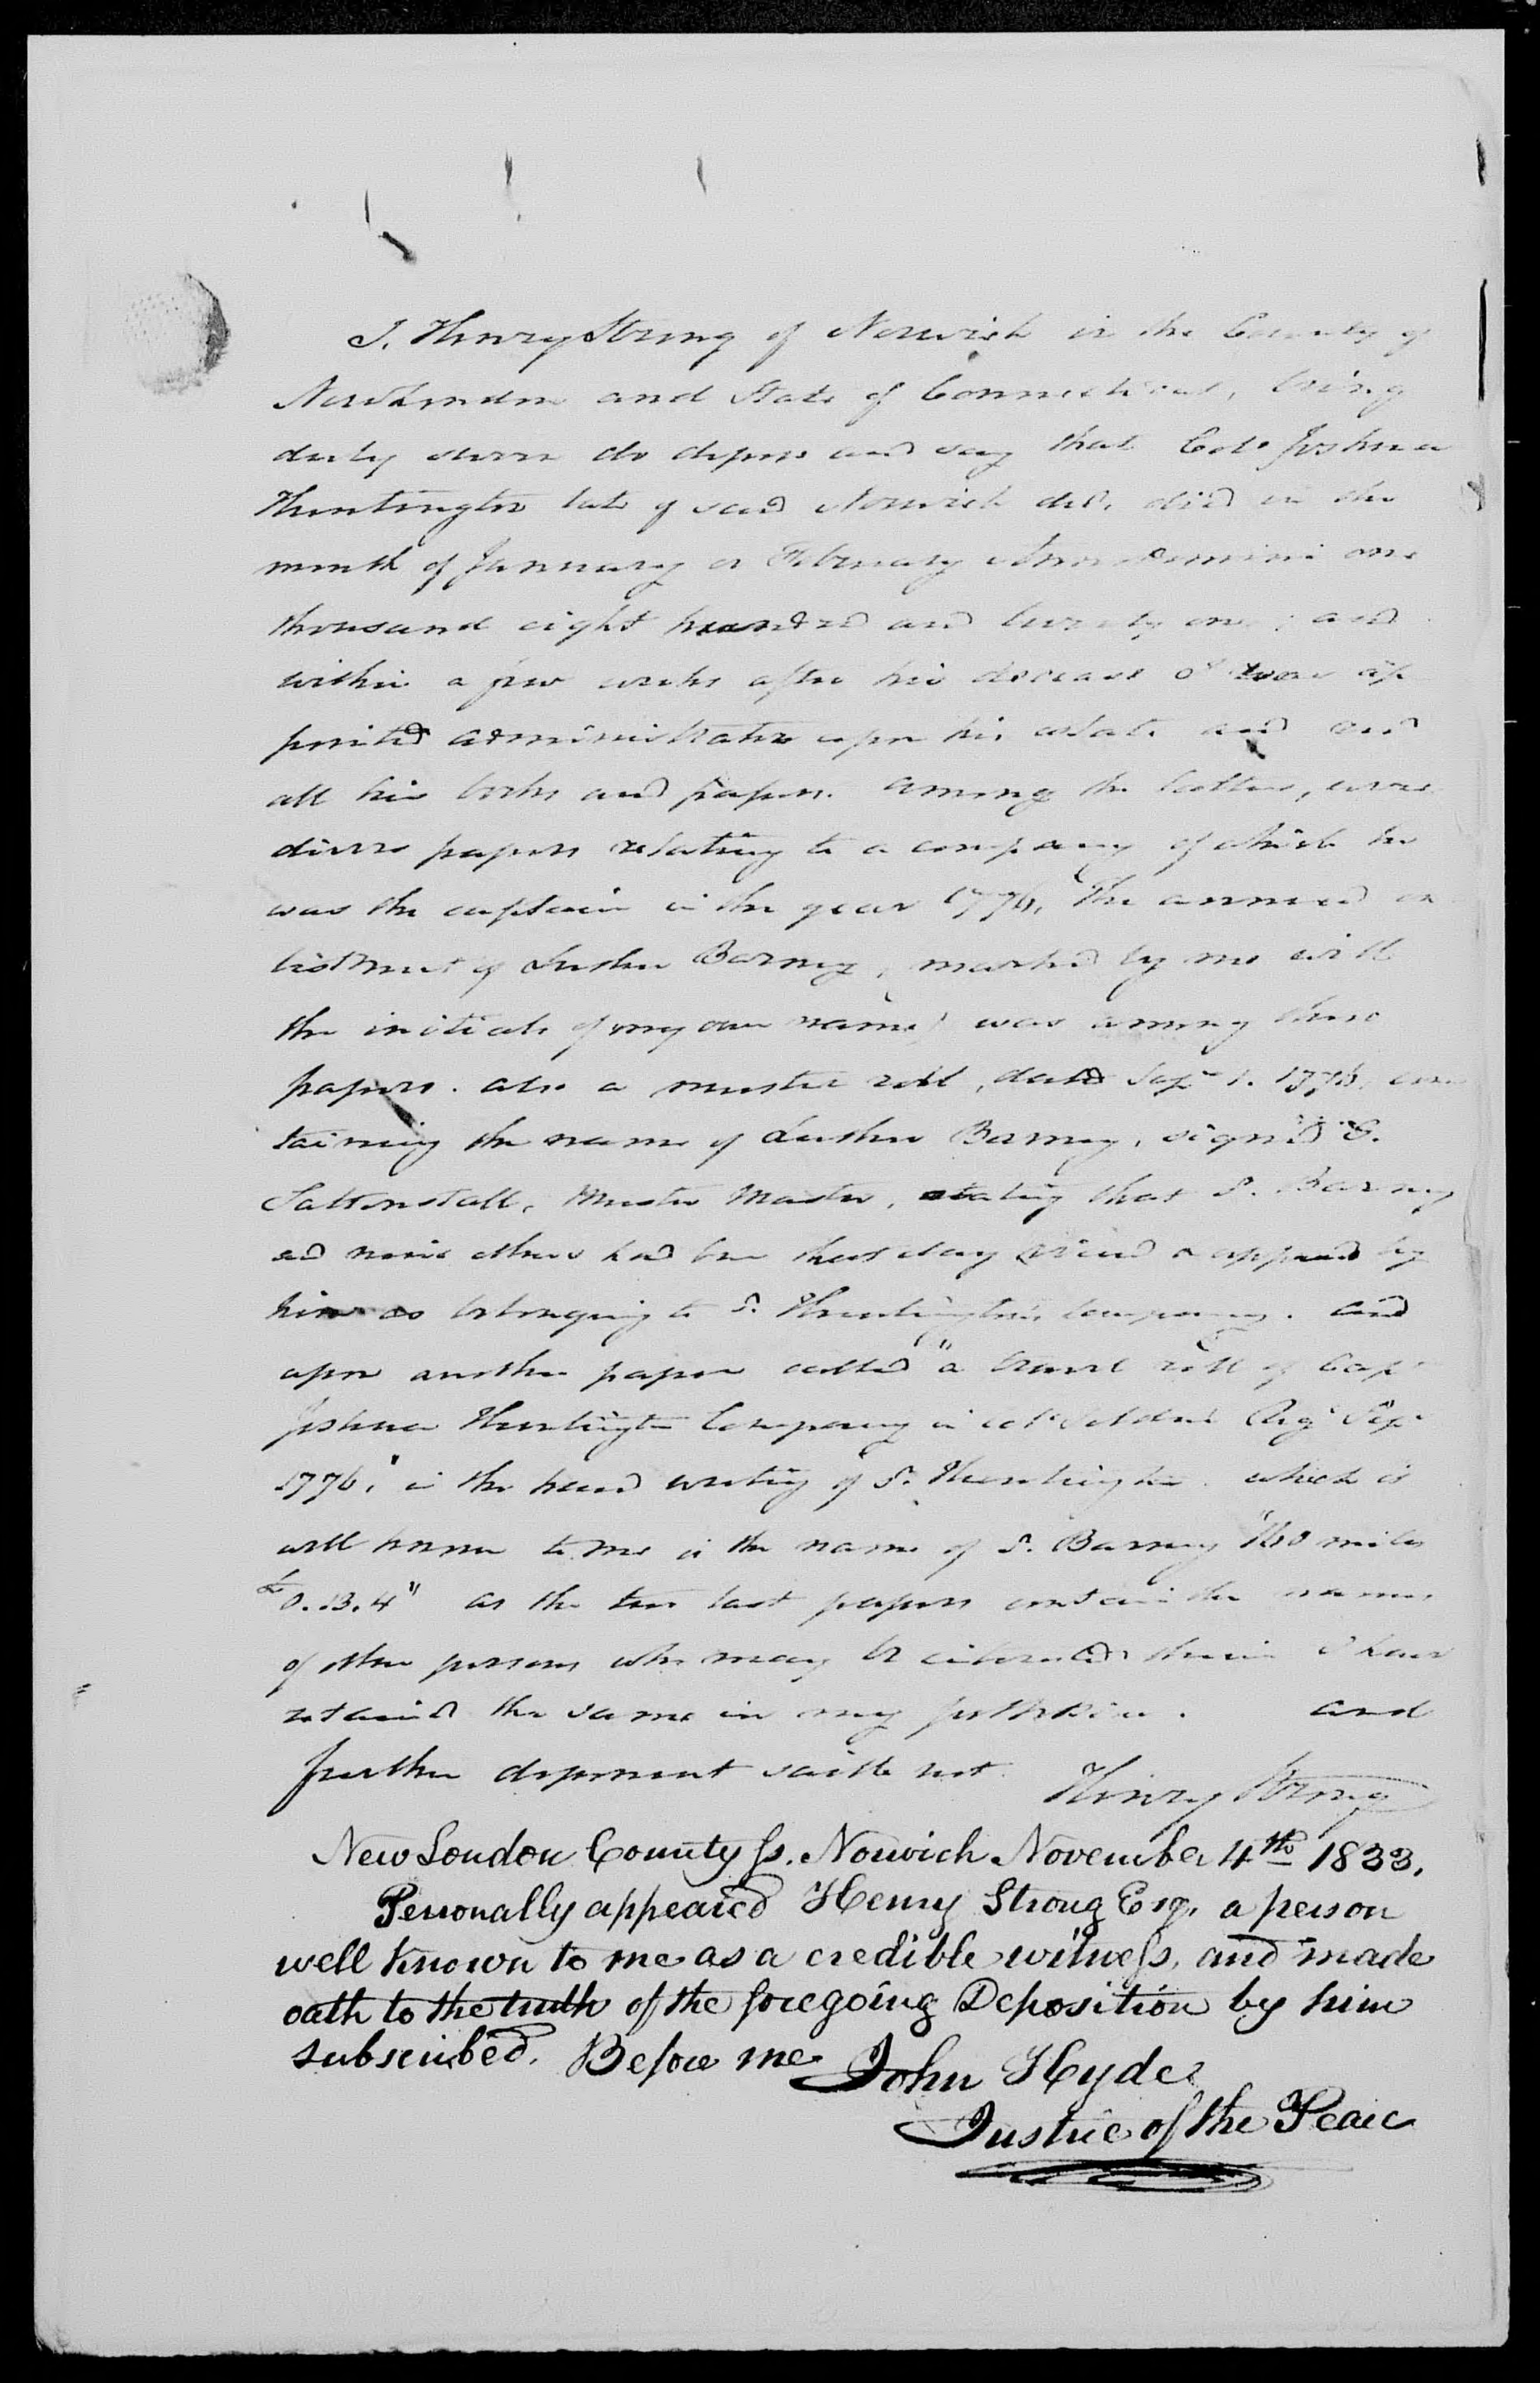I Henry Strong of Norwich in the County of New London and State of Connecticut being duly sworn do depose and say that Col Joshua Huntington late of said Norwich dep. died in the month of January or February in one thousand eight hundred and twenty one and within a few weeks after his decease [illegible] was appointed administrator of his estate and [illegible] all his books and papers. Among the letters, was diverse papers relating to a company of which he was the captain in the year 1776, the annexed enlistment of Luther Barney, marked by me with the initials of my own name, was among those papers. Also a muster roll, dated Sept 1. 1776 containing the name of Luther Barney, signed S. Sattonstall, Muster Master, stating that L. Barney and nine [?] others had been [illegible] by him as belonging to J. Huntington's Company. And upon another paper within a [illegible] roll of Cap Joshua Huntington Company in [illegible] 1776, in the hand writing of J. Huntington which is will known to me is the name of J. Barney L/0.13.4" As the two last papers contain the name of other persons who may be concerned therein I have [illegible] the same in my [illegible] and further deponent saith not.

Henry Strong

[Different hand] New London County ss. Norwich November 4th 1833, 
Personally appeared Henry Strong Esq., a person well known to me as a credible witness, and made oath to the truth of the foregoing Deposition by him subscribed. Before me John Hyde Justice of the Peace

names: Henry Strong, T Barney, Henry Strong, Joshua Huntington, Luther Barney, T Huntington, Luther Barney, Henry Strong, John Hyde, Joshua Huntington, T Barney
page: 40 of 61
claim: widow's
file: W. 4.124, Luther Barney, Conn. Privateer.